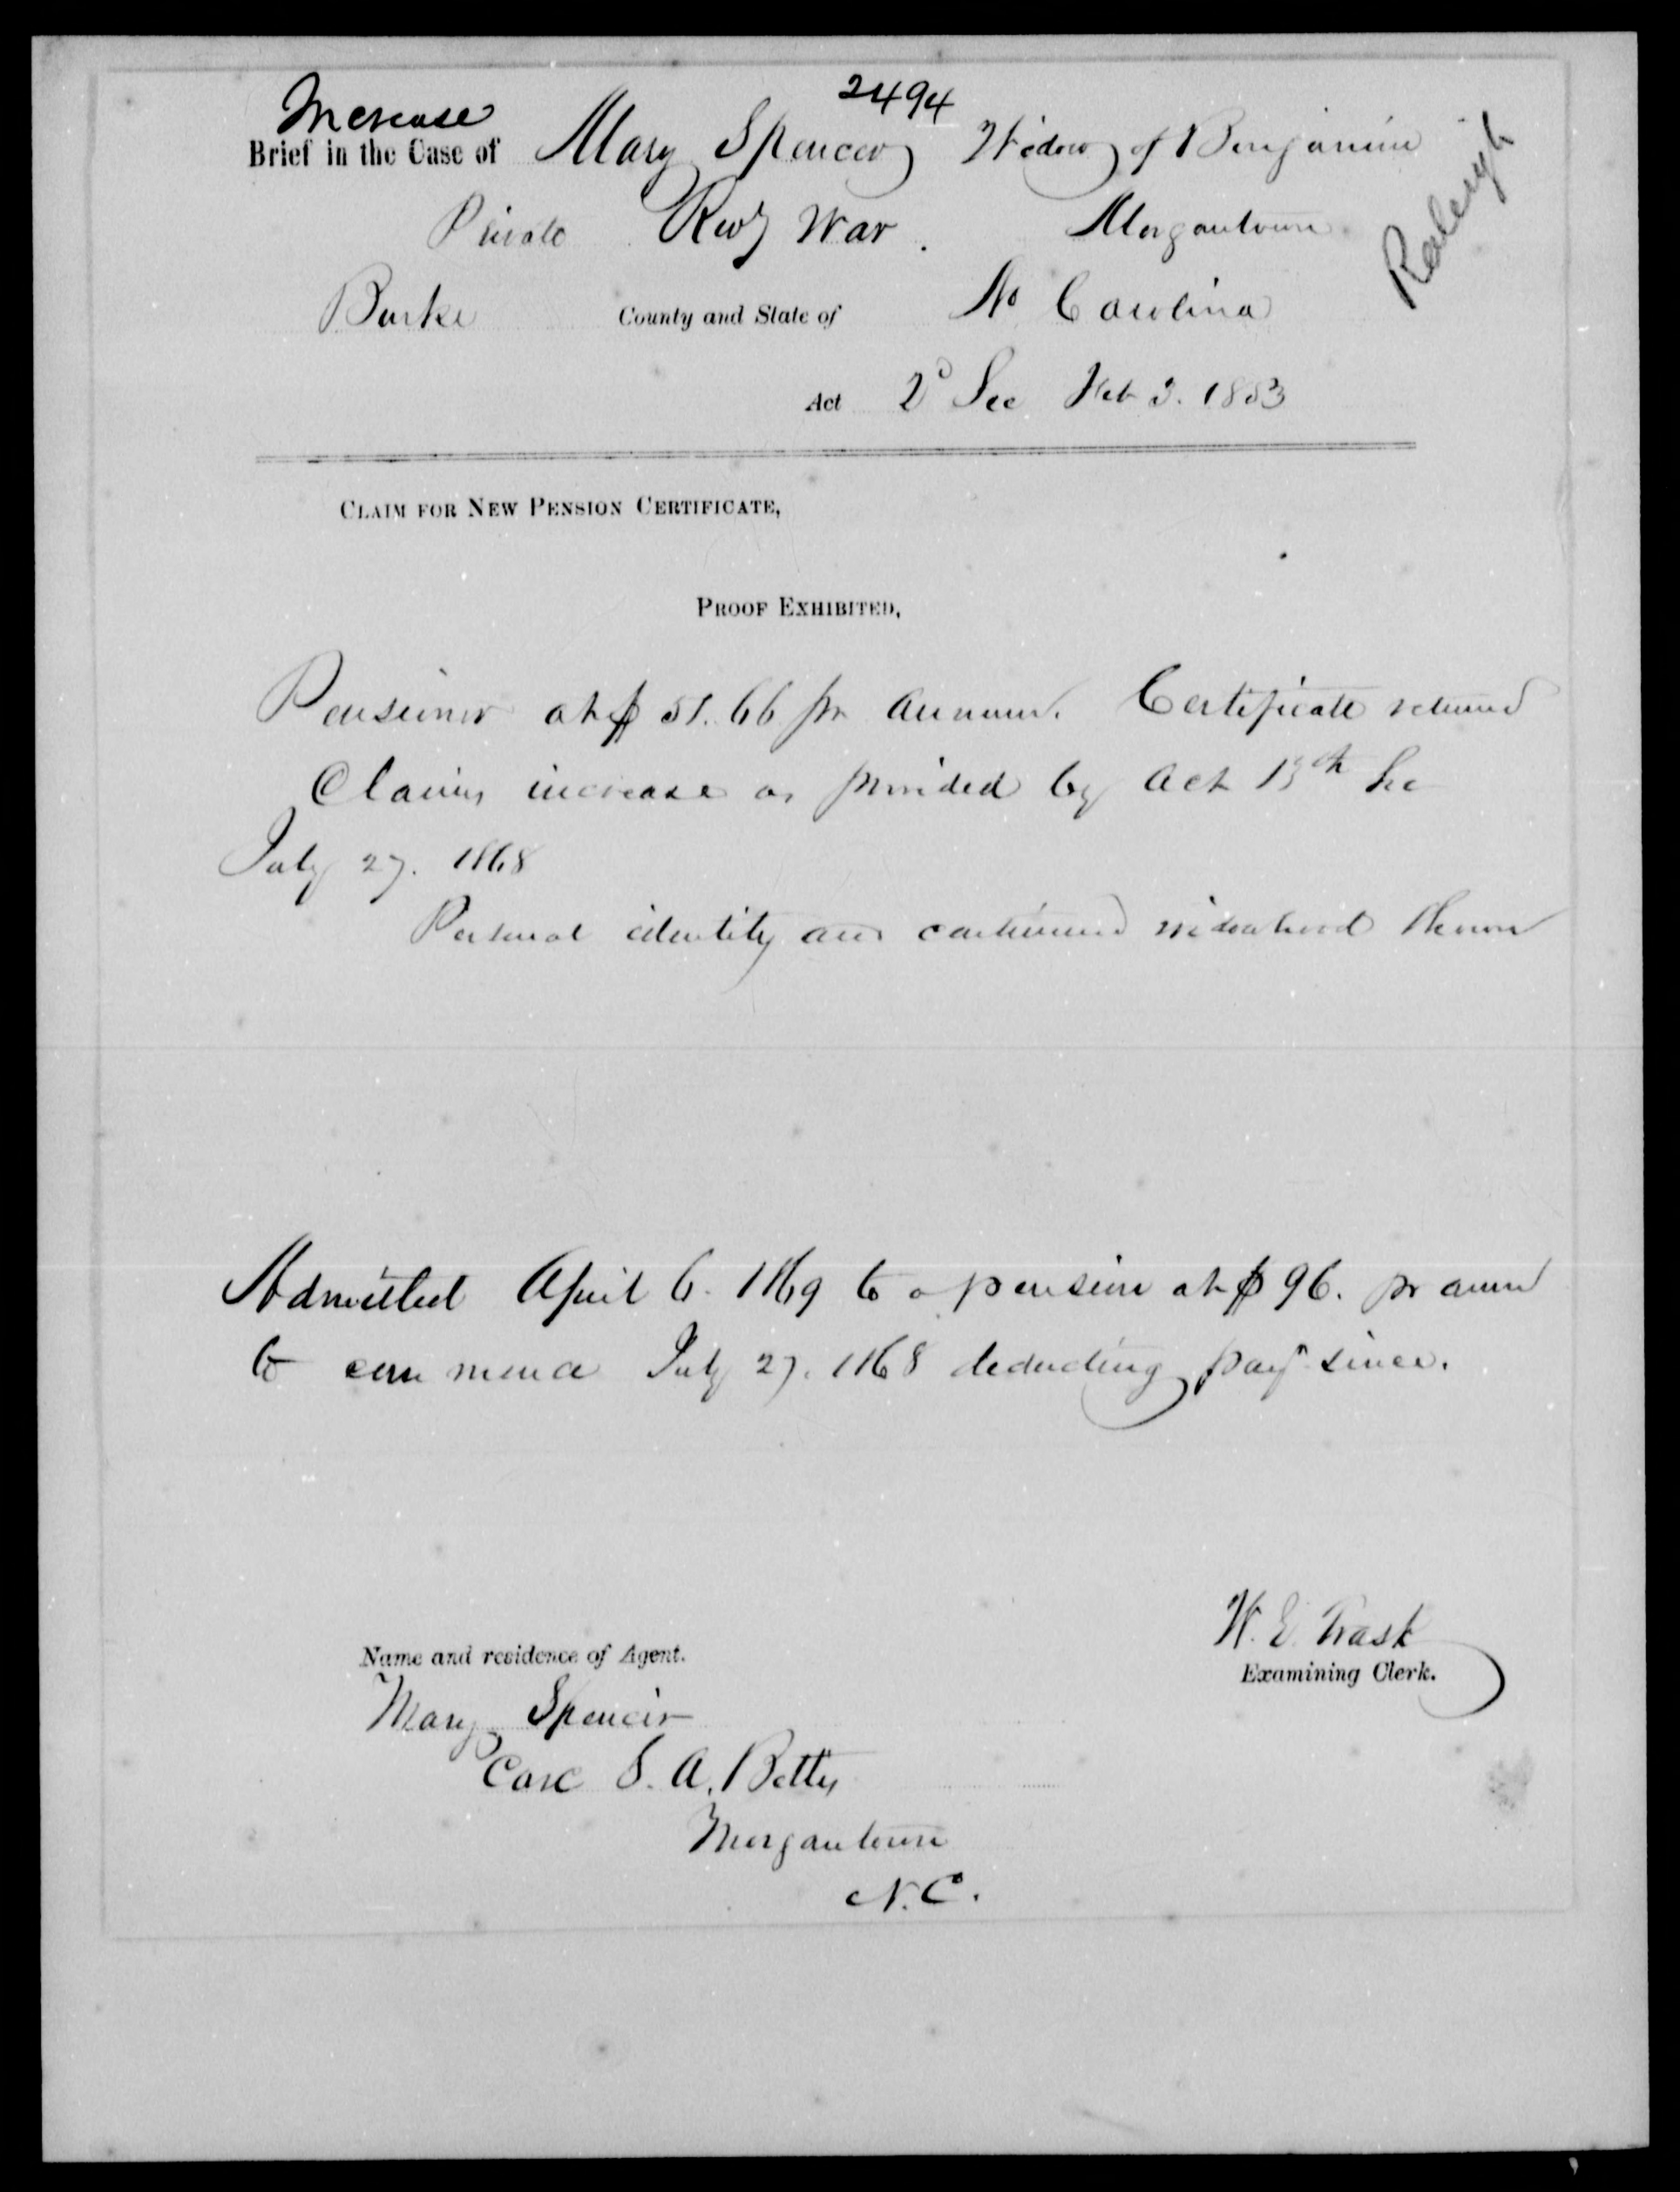Increase  2494
Brief in the case of Mary Spencer Widow of Benjamin
Private Revy War Morgantown Raleigh
Burke County and State of No. Carolina
Act 2d See Feb 3, 1853
CLAIM FOR NEW PENSION CERTIFICATE

PROOF EXHIBITED,
Pensioner at $51.66 per annum. Certificate returned
Claims increase as provided by Act 15th he
July 27, 1868
Personal identity and continued widowhood shown
Admitted April 6. 1869 to a pension at $96 per ann
to commence July 27, 1868 deducting pay since
Name and residence of Agent.
Mary Spencer
Care S. A. Bettis
Morgantown N. C.

W. E. Trask
Examining Clerk.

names: W E Trask; Mary Spencir; S A Bettis; Mary Spencer; Benjamin Spencer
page: 40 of 63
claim: widow's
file: W. 6158, for Benjamin Spencer, North Carolina